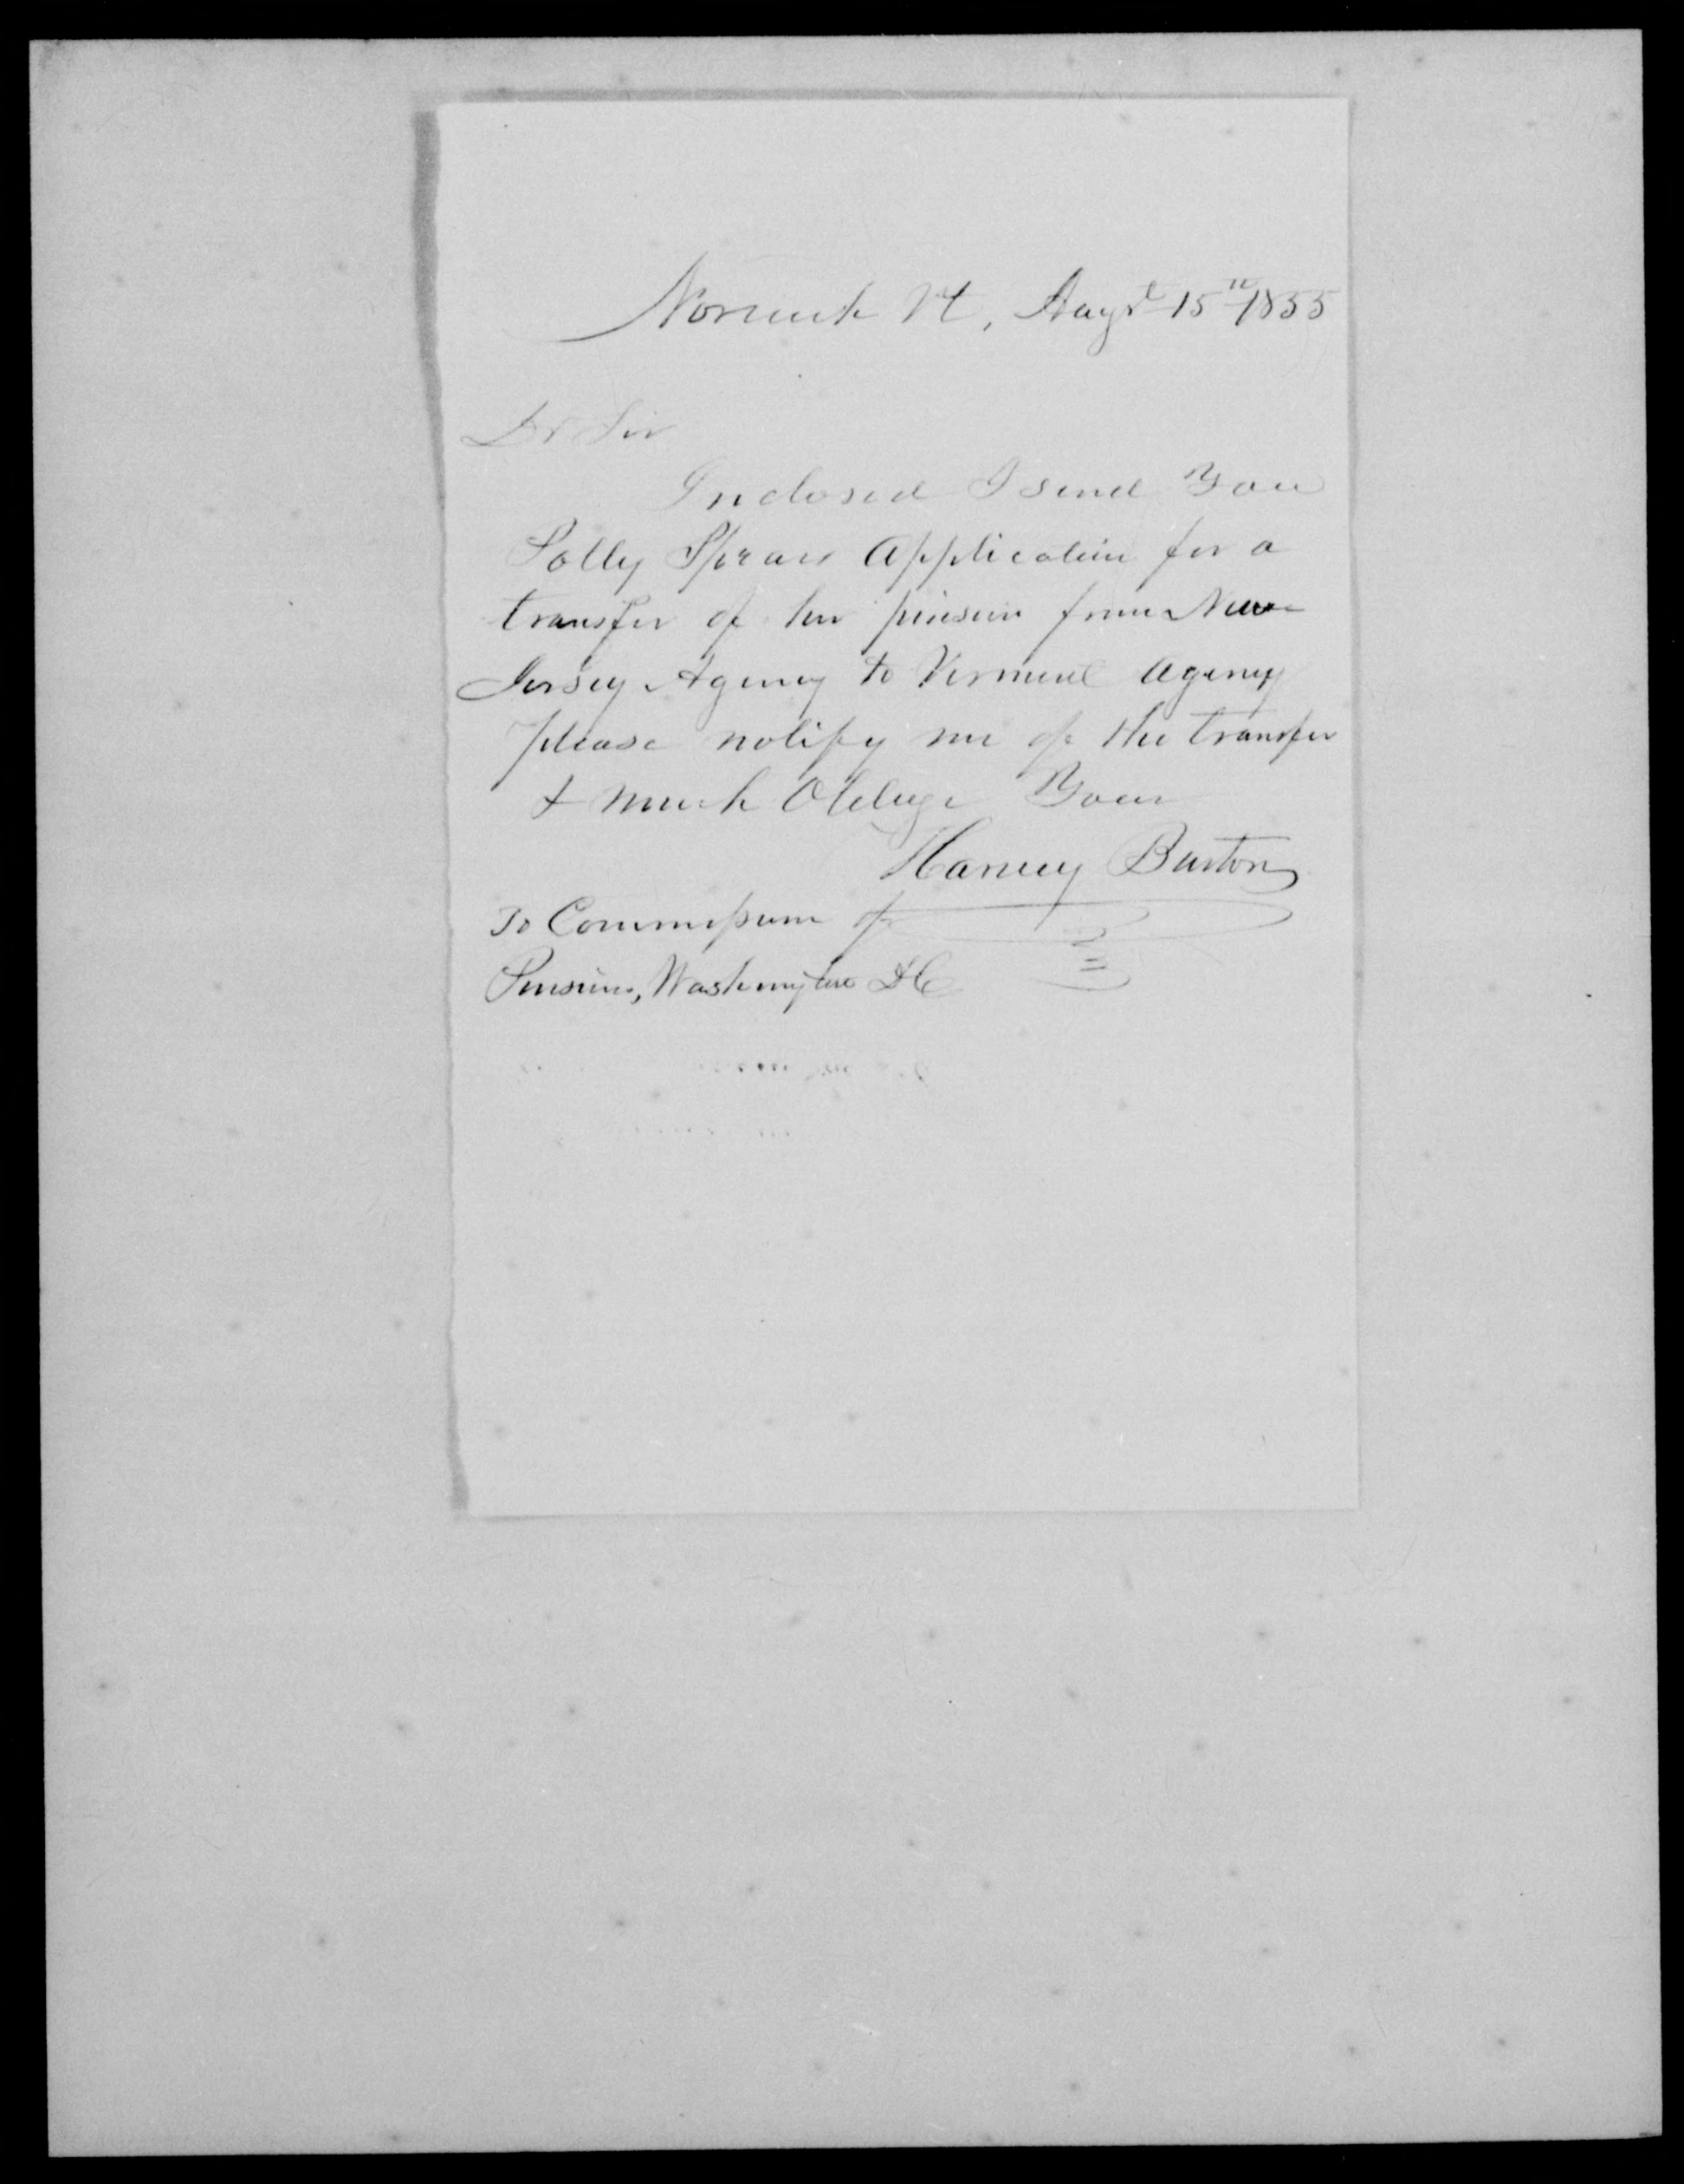North Vt. Augt 15th 1855
Dr Sir
Inclosed I send you
Polly Spears application for a
transfer of her pension from New Jersey
Agency to Vermont Agency
please notify me of the transfer
& much oblige your
Harvey Burton
To Commission of
Pensions, Washington D.C.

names: Harvey Burton; Polly Spears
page: 33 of 65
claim: widow's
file: W. 7197, for Jonathan Spear, Vermont